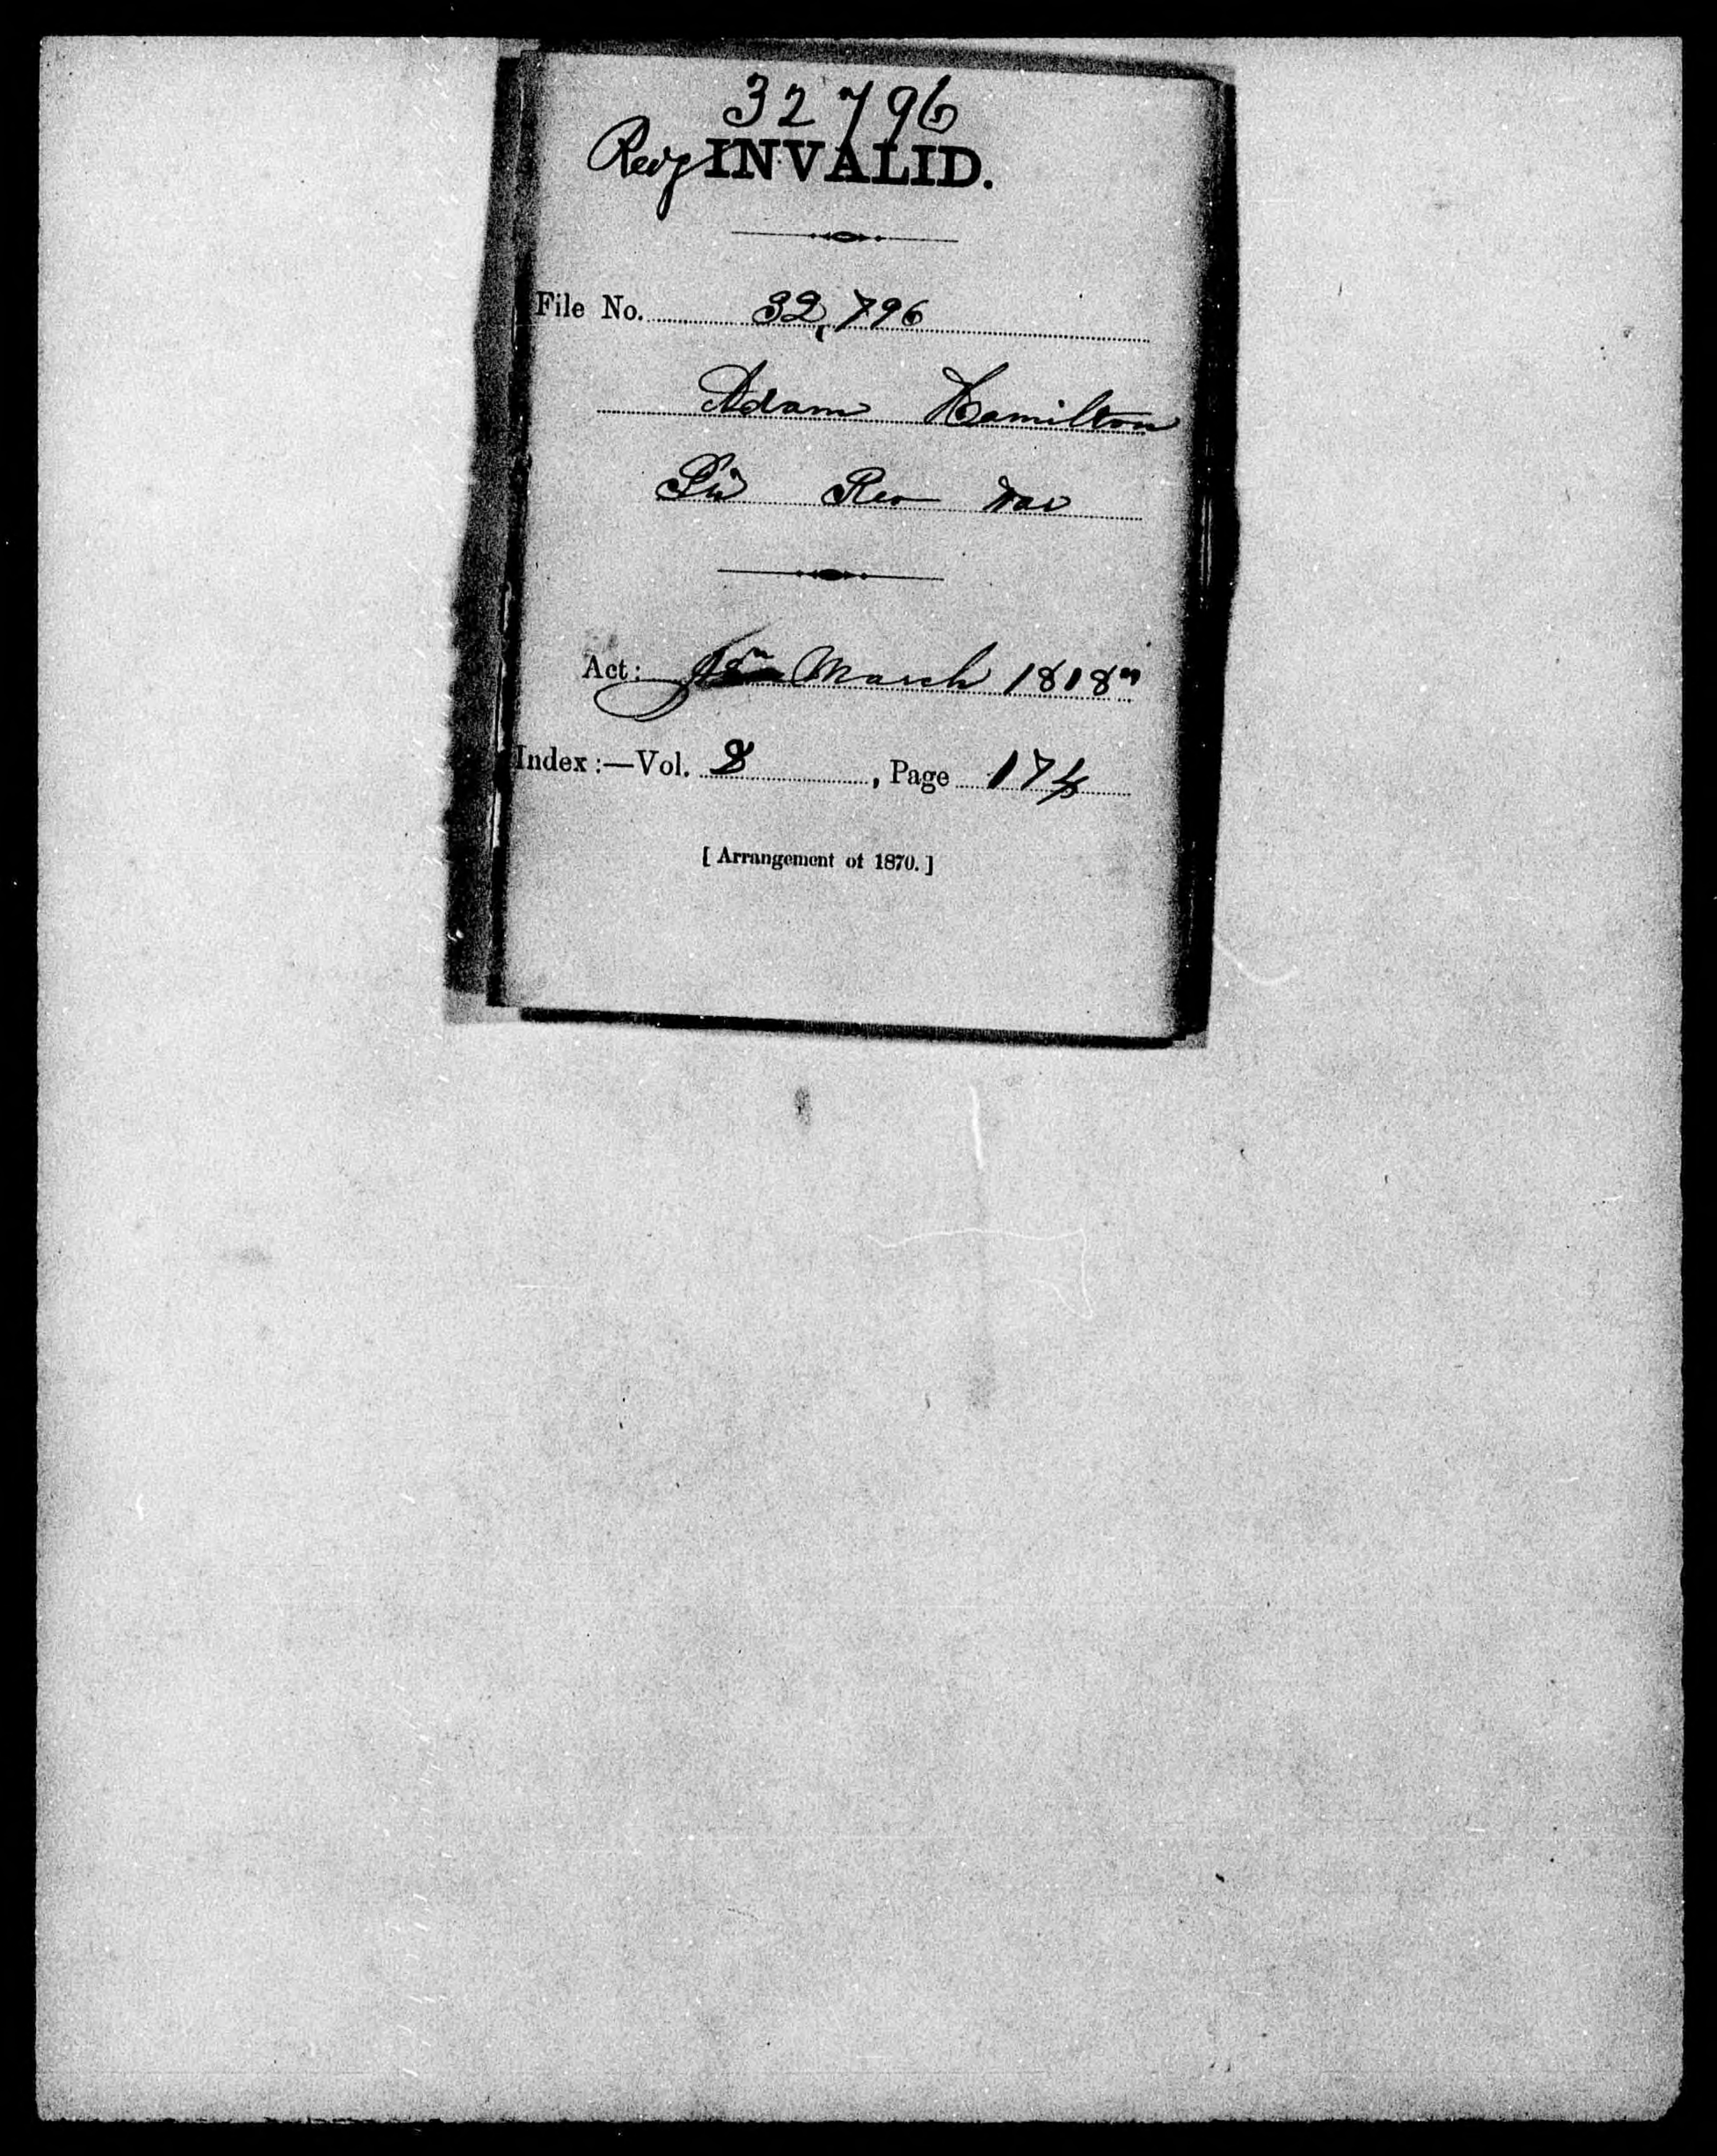32,796
Revy
INVALID

File No. 32,796
Adam Hamilton
Priv.  Rev War

Act: 18th March 1818
Index:-Vol. 8, Page 174

{Arrangement of 1870.}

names: Adam Hamilton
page: 10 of 12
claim: survivor's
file: S. 32796, Adam Hamilton, Penn.